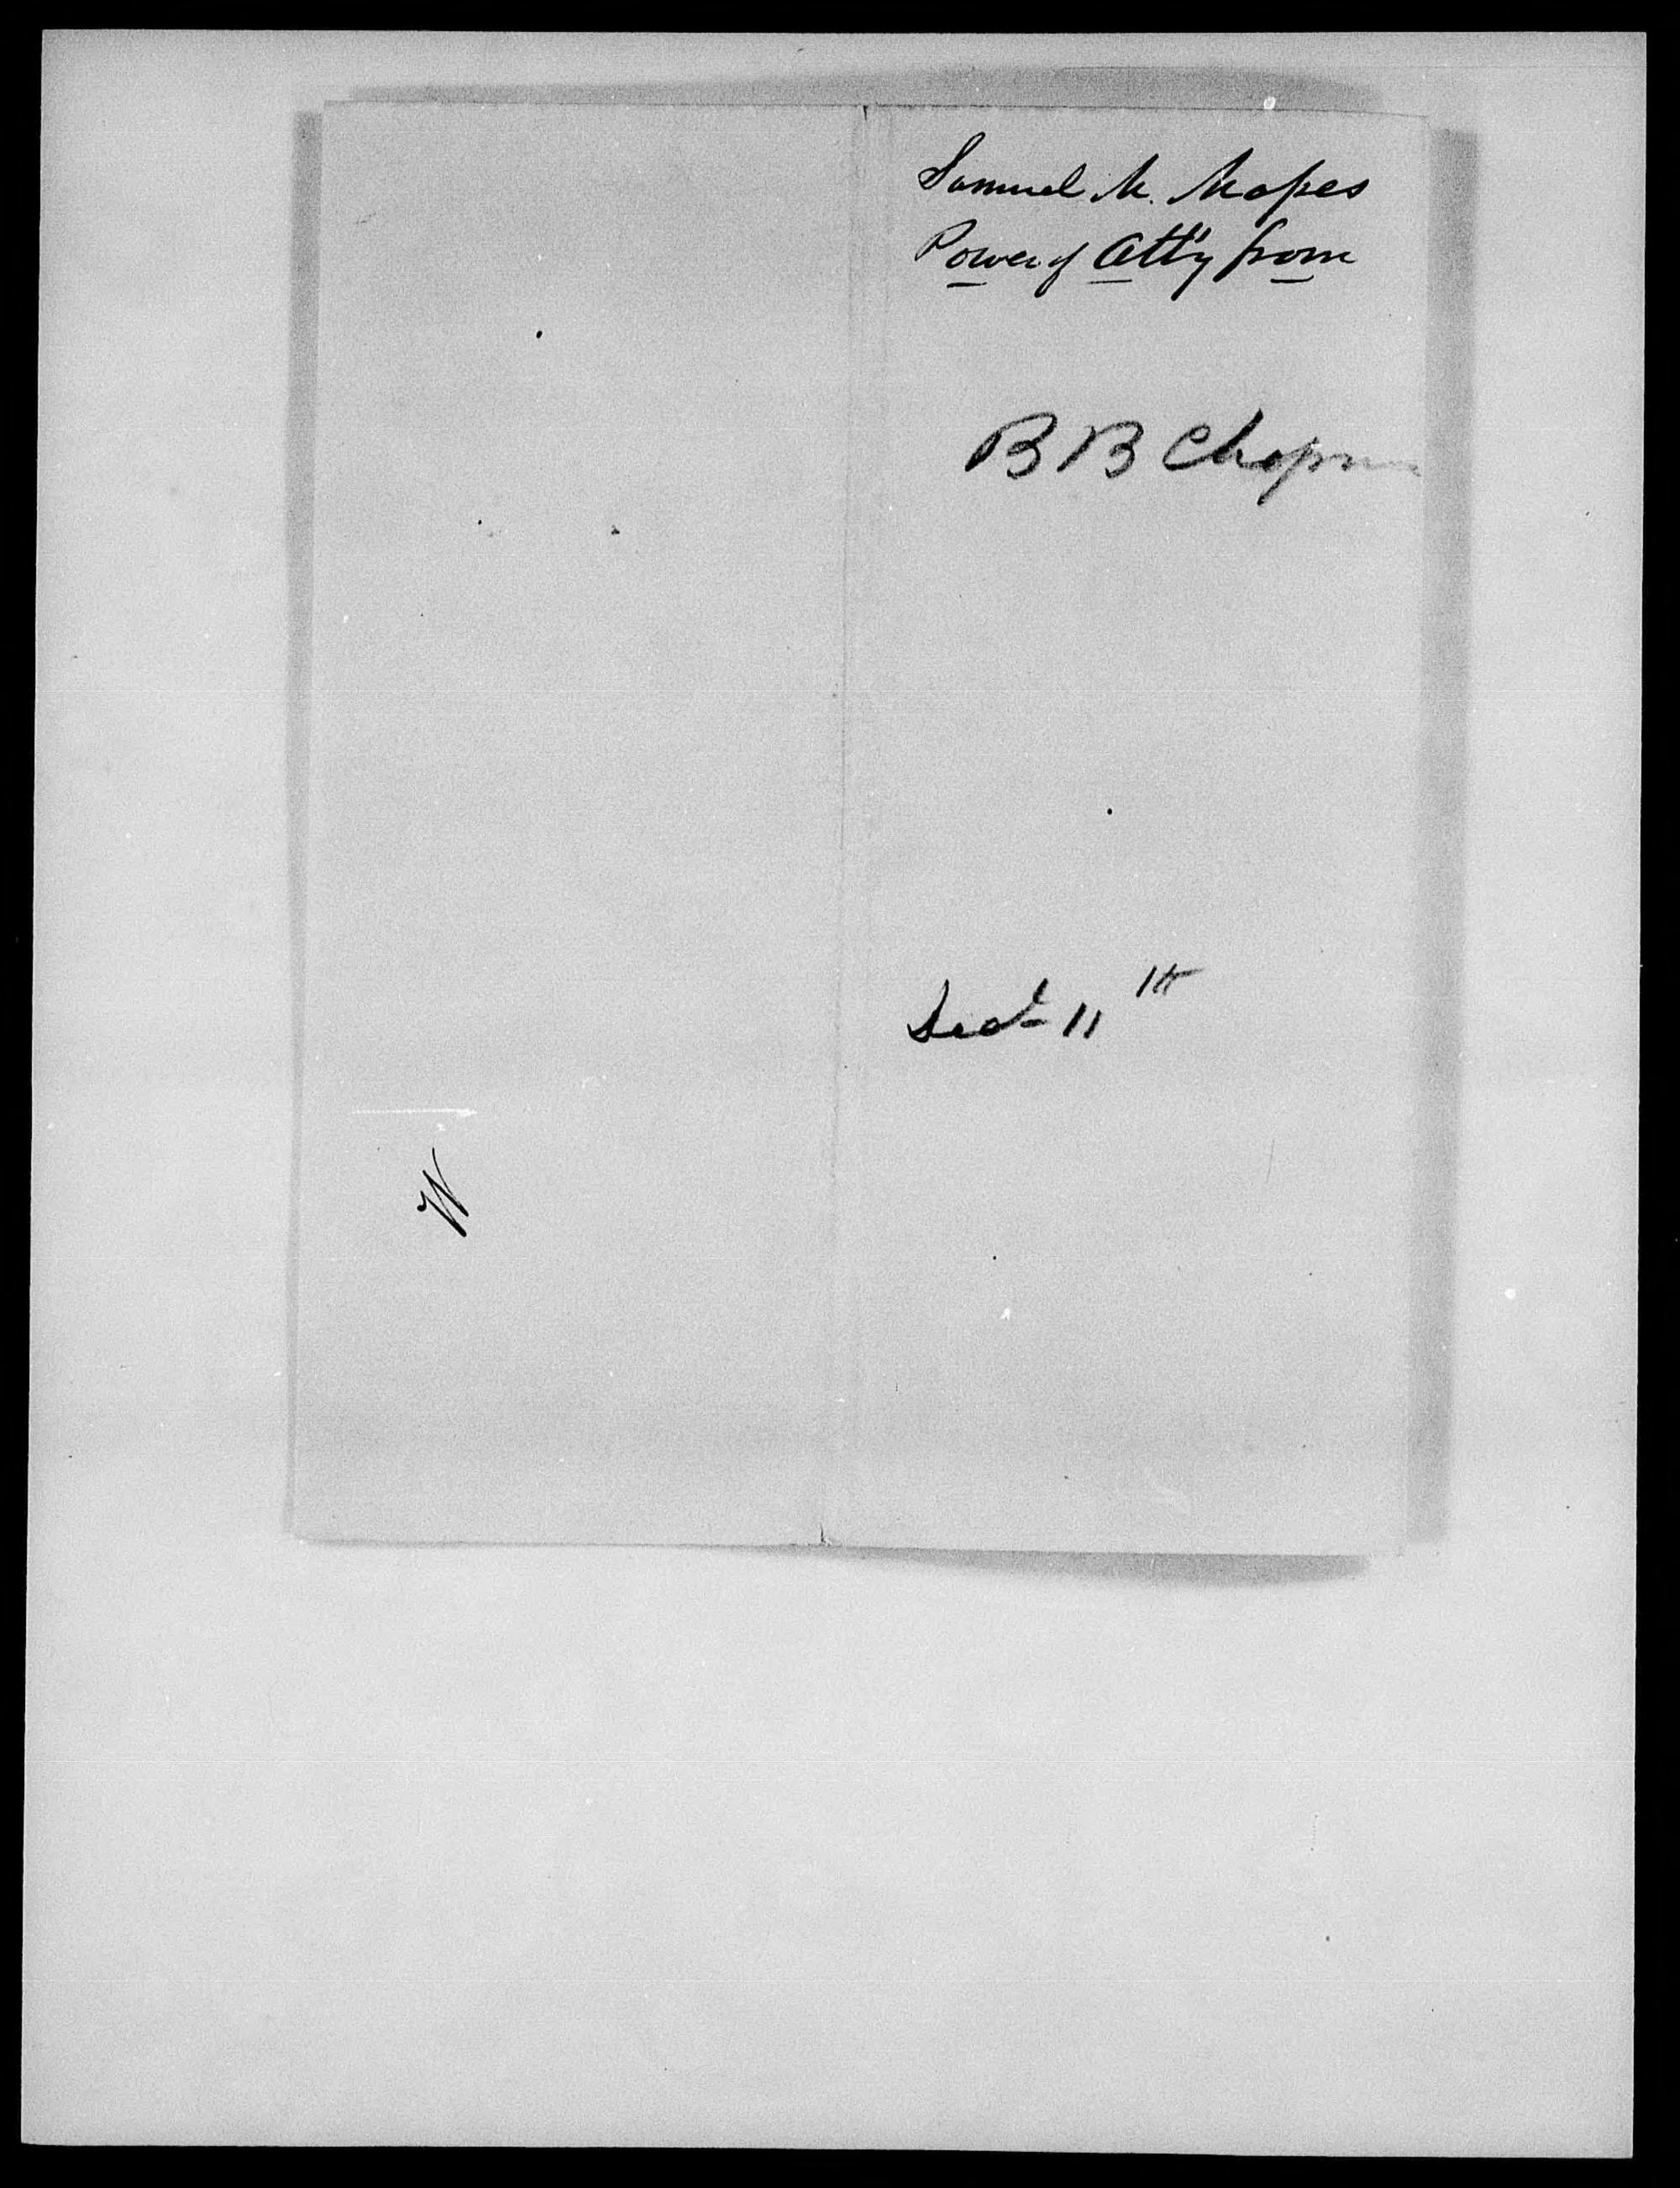Samuel M. Mapes 

Power of Atty from 

BB Chap[man?] 

sect -11  11th?




W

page: 18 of 30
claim: survivor's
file: S. 13,873, for William Mapes, New York